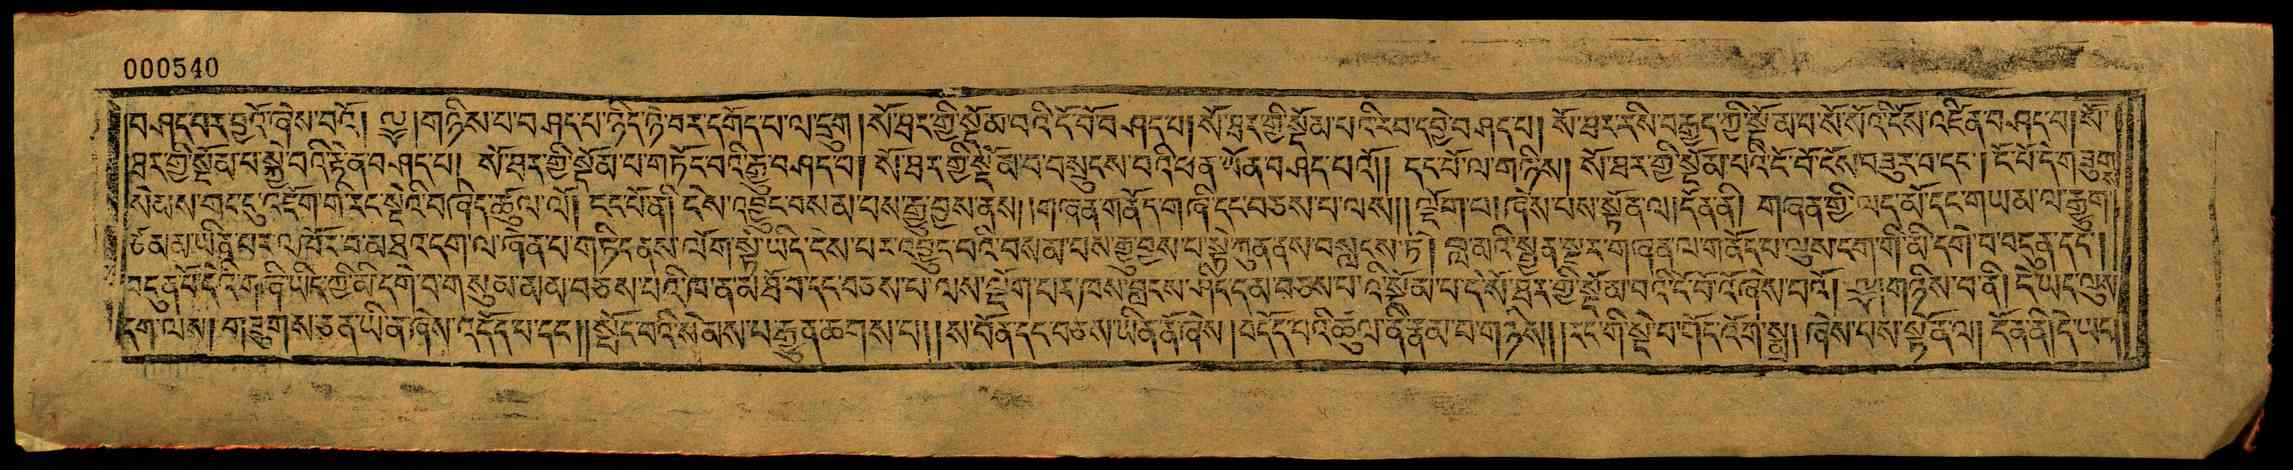བཤད་པར་བྱའོ་ཞེས་པའོ། ༈ །གཉིས་པ་བཤད་པ་ཉིད་ཉེ་བར་དགོད་པ་ལ་དྲུག །སོ་ཐར་གྱི་སྡོམ་པའི་ངོ་བོ་བཤད་པ། སོ་ཐར་གྱི་སྡོམ་པའི་རབ་དབྱེ་བཤད་པ། སོ་ཐར་རིས་བརྒྱད་ཀྱི་སྡོམ་པ་སོ་སོའི་ངོས་འཛིན་བཤད་པ། སོ་
ཐར་གྱི་སྡོམ་པ་སྐྱེ་བའི་རྟེན་བཤད་པ། སོ་ཐར་གྱི་སྡོམ་པ་གཏོང་བའི་རྒྱུ་བཤད་པ། སོ་ཐར་གྱི་སྡོམ་པ་བསྲུངས་པའི་ཕན་ཡོན་བཤད་པའོ། །དང་པོ་ལ་གཉིས། སོ་ཐར་གྱི་སྡོམ་པའི་ངོ་བོ་ངོས་བཟུང་བ་དང་། ངོ་བོ་དེ་གཟུགས་
སེམས་གང་དུ་འཇོག་གི་རང་སྡེའི་བཞེད་ཚུལ་ལོ། དང་པོ་ནི། ངེས་འབྱུང་བསམ་པས་རྒྱུ་བྱས་ནས། །གཞན་གནོད་གཞི་དང་བཅས་པ་ལས། །ལྡོག་པ། ཞེས་པས་སྟོན་ལ། དོན་ནི། གཞན་གྱི་ལད་མོ་དང་གཡམ་ལ་རྒྱུག་
ཙམ་མ་ཡིན་པར་འཁོར་བ་མཐའ་དག་ལ་ཞེན་པ་གཏིང་ནས་ལོག་སྟེ་ཡིད་ངེས་པར་འབྱུང་བའི་བསམ་པས་རྒྱུ་བྱས་པ་སྟེ་ཀུན་ནས་བསླངས་ཏེ། བླ་མའི་སྤྱན་སྔར་གཞན་ལ་གནོད་པ་ལུས་ངག་གི་མི་དགེ་བ་བདུན་དང་།
བདུན་པོ་དེའི་གཞི་ཡིད་ཀྱི་མི་དགེ་བ་གསུམ་མམ་བཅས་པའི་ཁ་ན་མ་ཐོ་བ་དང་བཅས་པ་ལས་ལྡོག་པར་ཁས་བླངས་ཤིང་དམ་བཅས་པའི་སྡོམ་པ་དེ་སོ་ཐར་གྱི་སྡོམ་པའི་ངོ་བོའི་ཞེས་པའོ། ༈ །གཉིས་པ་ནི། དེ་ཡང་ལུས་
ངག་ལས། གཟུགས་ཅན་ཡིན་ཞེས་འདོད་པ་དང་། །སྤོང་བའི་སེམས་པ་རྒྱུན་ཆགས་པ། །ས་བོན་དང་བཅས་ཡིན་ནོ་ཞེས། །འདོད་པའི་ཚུལ་ནི་རྣམ་པ་གཉིས། །རང་གི་སྡེ་པ་གོང་འོག་སྨྲ། ཞེས་པས་སྟོན་ལ། དོན་ནི། དེ་ཡང་